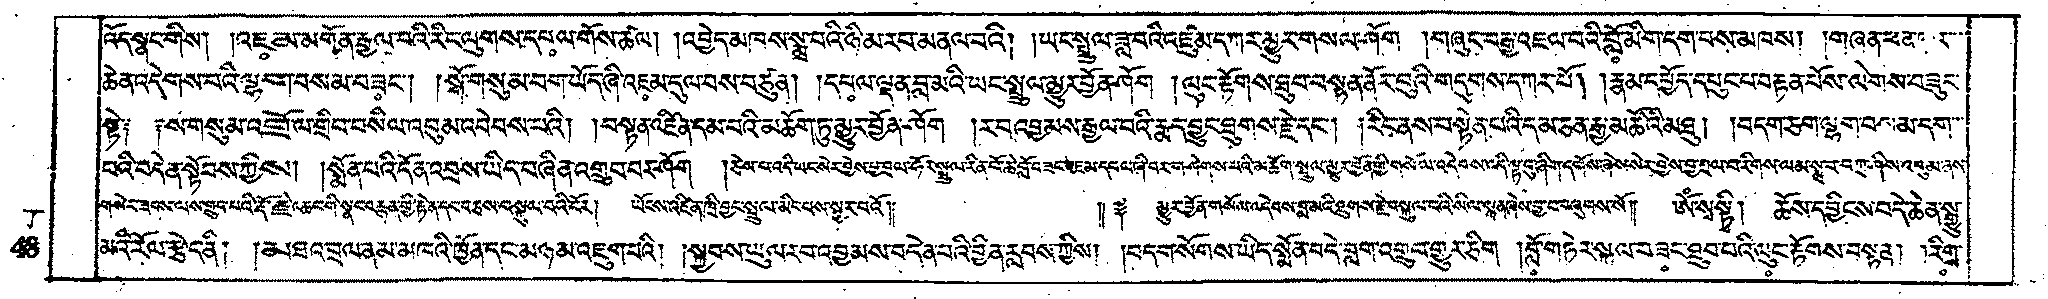འོད་སྣང་གིས། །འཇམ྾་མགོན་རྒྱལ་བའི་རིང་ལུགས་དཔལ྾་གོས་ཚལ། །འབྱེད་མཁས་སྨྲ་བའི་ཉི་མ་རབ་མནལ་བའི། །ཡང་སྤྲུལ་ཟླ་བའི་འཛུམ་དཀར་མྱུར་གསལ་ཤོག །གཞུང་བརྒྱ་འཇལ་བའི་བློ྾་མིག་དག་པས་མཁས། །གཞན་ཕན་ལྟར་་་
ཆེན་འདེགས་པའི་ལྷག་བསམ་བཟང྾། །སྒོ་གསུམ་བག་ཡོད་ཞི་འཇམ྾་དུལ་བས་བཙུན། །དཔལ྾་ལྡན་བླ་མའི་ཡང་སྤྲུལ་མྱུར་བྱོན་ཤོག །ལུང་རྟོགས་ཐུབ་བསྟན་ནོར་བུའི་གདུགས་དཀར་པོ། །རྣམ་དཔྱོད་དཔུང་པ་བརྟན་པོས་ལེགས་བཟུང་
སྟེ༑ ༑ས་གསུམ་འགྲོ་ལ་གྲིབ་བསིལ་འབུམ་འབེབས་པའི། །བསྟན་འཛིན་དམ་པའི་མཆོག་ཏུ་མྱུར་བྱོན་ཤོག །རབ་འབྱམས་རྒྱལ་བའི་རྨད་བྱུང་ཐུགས་རྗེ་དང་། །རིང་ནས་བསྟེན་པའི་དམ་ཅན་རྒྱ་མཚོའི་མཐུ། །བདག་ཅག་ལྷག་བསམ་དག་་་
པའི་བདེན་སྟོབས་ཀྱིས། །སྨོན་པའི་དོན་འབྲས་ཡིད་བཞིན་འགྲུབ་པར་ཤོག །ཅེས་པ་འདི་ཡང་སེར་བྱེས་བྱ་བྲལ་ཧོར་སྦྲུལ་རིན་པོ་ཆེ་བློ་བཟང་འཇམ་དཔལ་ཞི་བར་གཤེགས་པའི་མཆོག་སྤྲུལ་མྱུར་བྱོན་གྱི་གསོལ་འདེབས་འདི་ལྟ་བུ་ཞིག་དགོས་ཞེས་སེར་བྱེས་བྱ་བྲལ་བ་རིགས་ལམ་སྨྲ་བ་བཀྲ་ཤིས་འབུམ་ནས་
གསེར་ཟངས་ལས་གྲུབ་པའི་རྡོ་རྗེ་འཆང་གི་སྣང་བརྙན་གྱི་རྟེན་དང་བཅས་བསྐུལ་བའི་ངོར། ཡོངས་འཛིན་ཁྲི་བྱང་སྤྲུལ་མིང་པས་སྦྱར་པའོ།། །། འ་མྱུར་བྱོན་གསོལ་འདེབས་བླ་མའི་ཐུགས་རྗེ་བསྐུལ་པའི་སིལ་སྙན་ཞེས་བྱ་བ་བཞུགས་སོ།། ཨོཾ་སྭསྟྭི། ཆོས་དབྱིངས་བདེ་ཆེན་སྒྱུ་
མའི་རོལ་རྩེད་ནི། །མཐའ་བྲལ་ནམ་མཁའི་ཁྱོན་དང་མཉམ་འཇུག་པའི། །སྐྱབས་ཡུལ་རབ་འབྱམས་བདེན་པའི་བྱིན་རླབས་ཀྱིས། །བདག་སོགས་ཡིད་སྨོན་བདེ་བླག་འགྲུབ་གྱུར་ཅིག །བློ྾་གཏེར་སྐལ་བཟང྾་ཐུབ་པའི་ལུང྾་རྟོགས་བསྟན། །རིགས྾་